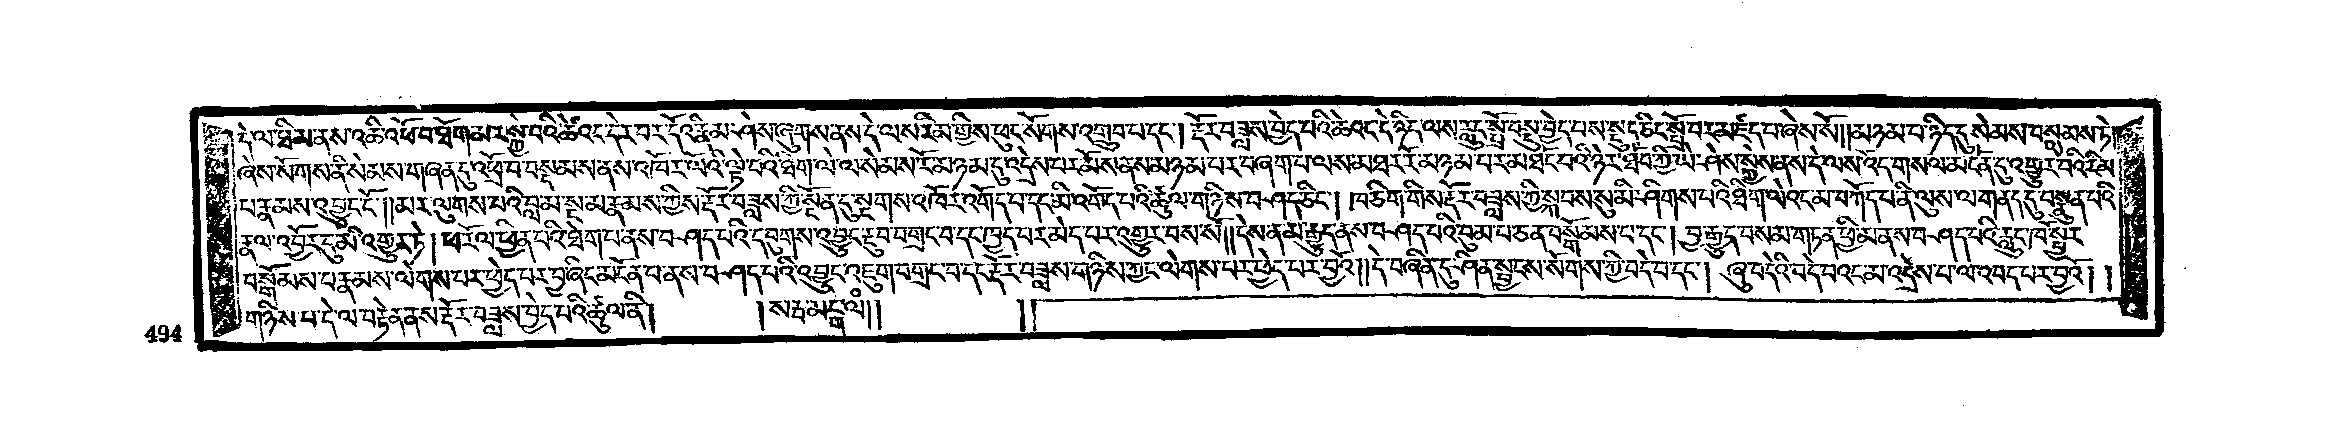དེ་ལ་ཐིམ་ནས་འཆི་འཕོ་བ་ཐོག་མར་སྐྱེ་བའི་ཚེའང་དེར་བར་དེའི་རྣམ་ཤེས་ཞུགས་ནས་དེ་ལས་རིམ་གྱིས་ཕུང་སོགས་འགྲུབ་པ་དང་། རྡོར་བཟླས་བྱེད་པའི་ཆེའང་དེ་ཉིད་ལས་རླུང་སྤྲོ་བསྡུ་བྱེད་པས་སྡུད་ཅིང་སྤྲོ་བར་མཛད་པ་ཞེས་སོ། །མཉམ་པ་ཉིད་དུ་སེམས་བསྡམས་ཏེ།།
ཞེས་སོགས་ནི་སེམས་གཞན་དུ་འཕྲོ་བ་བསྡམས་ནས་འཁོར་ལོའི་ལྟེ་བའི་ཐིག་ལེ་ལ་སེམས་རོ་མཉམ་དུ་འདྲེས་པར་མོས་ནས་མཉམ་པར་བཞག་པ་ལས་མཐར་རོ་མཉམ་པར་མཐོང་བའི་ཉེར་ཐོབ་ཀྱི་ཡེ་ཤེས་སྐྱེས་ནས་དེ་ལས་འོད་གསལ་མངོན་དུ་འགྱུར་བའི་རིམ་
པ་རྣམས་འབྱུང་ངོ། །མར་ལུགས་པའི་བླ་མ་སྔ་མ་རྣམས་ཀྱིས་རྡོར་བཟླས་ཀྱི་སྔོན་དུ་སྔགས་འཁོར་འགོད་པ་དང་མི་འགོད་པའི་ཚུལ་གཉིས་བཤད་ཅིང་། ཁ་ཅིག་གིས་རྡོར་བཟླས་ཀྱི་སྐབས་སུ་མི་ཤིགས་པའི་ཐིག་ལེའང་མ་བཀོད་པ་ནི་ལུས་ལ་གནད་དུ་བསྣུན་པའི་
རྣལ་འབྱོར་དུ་མི་འགྱུར་ཏེ། ཕ་རོལ་ཕྱིན་པའི་ཐེག་པ་ནས་བཤད་པའི་དབུགས་འབྱུང་རྔུབ་བ་གྲང་བ་དང་ཁྱད་པར་མེད་པར་འགྱུར་བས་སོ། །དེས་ན་མ་རྒྱུད་ནས་བཤད་པའི་བུམ་པ་ཅན་བསྒོམས་པ་དང་། བྱ་རྒྱུ་བསམ་གཏན་ཕྱི་མ་ནས་བཤད་པའི་རླུང་ཁ་སྦྱོར་
བསྒོམས་པ་རྣམས་ལེགས་པར་ཕྱེད་པར་བྱ་ཞིང་མངོན་པ་ནས་བཤད་པའི་འབྱུང་འཇུག་བགྲང་བ་དང་རྡོར་བཟླས་གཉིས་ཀྱང་ལེགས་པར་ཕྱེད་པར་བྱའོ། །དེ་བཞིན་དུ་ཤིན་སྦྱངས་སོགས་ཀྱི་བདེ་བ་དང་། ཞུ་བདེའི་བདེ་བའང་མ་འདྲེས་པ་ལ་འབད་པར་བྱའོ། །
གཉིས་པ་དེ་ལ་བརྟེན་ནས་རྡོར་བཟླས་བྱེད་པའི་ཚུལ་ནི། །སརྦ་མངྒ་ལཾ།། །།